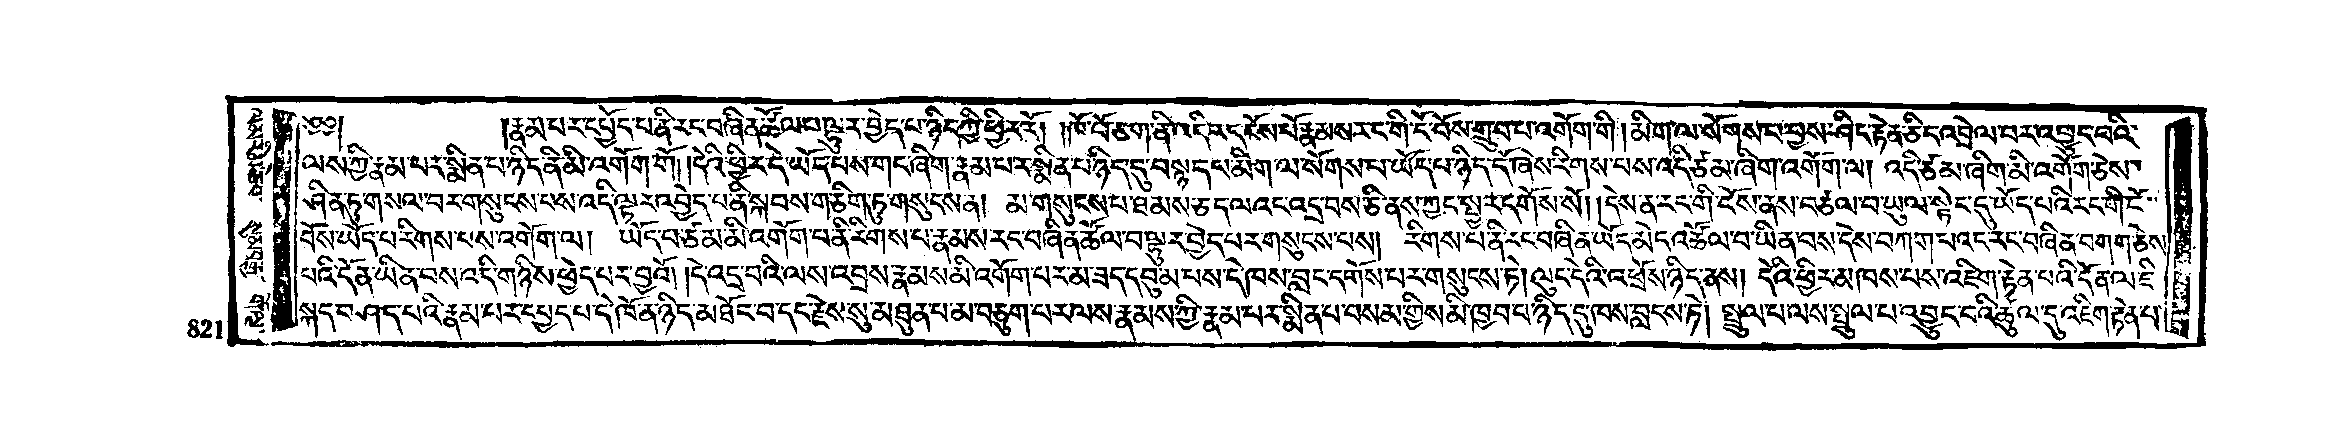༄༅། །རྣམ་པར་དཔྱོད་པ་ནི་རང་བཞིན་ཚོལ་བ་ལྷུར་བྱེད་པ་ཉིད་ཀྱི་ཕྱིར་རོ། །ཁོ་བོ་ཅག་ནི་འདིར་དངོས་པོ་རྣམས་རང་གི་ངོ་བོས་གྲུབ་པ་འགོག་གི། མིག་ལ་སོགས་པ་བྱས་ཤིང་རྟེན་ཅིང་འབྲེལ་པར་འབྱུང་བའི་
ལས་ཀྱི་རྣམ་པར་སྨིན་པ་ཉིད་ནི་མི་འགོག་གོ ། །དེའི་ཕྱིར་དེ་ཡོད་པས་གང་ཞིག་རྣམ་པར་སྨིན་པ་ཉིད་དུ་བསྙད་པ་མིག་ལ་སོགས་པ་ཡོད་པ་ཉིད་དོ་ཞེས་རིགས་པས་འདི་ཙམ་ཞིག་འགོག་ལ། འདི་ཙམ་ཞིག་མི་འགོག་ཅེས་
ཤིན་ཏུ་གསལ་བར་གསུངས་པས་འདི་ལྟར་འབྱེད་པ་ནི་སྐབས་གཅིག་ཏུ་གསུངས་ན། མ་གསུངས་པ་ཐམས་ཅད་ལའང་འདྲ་བས་ཅི་ནས་ཀྱང་སྦྱར་དགོས་སོ། །དེས་ན་རང་གི་ངོས་ནས་བཙལ་བ་ཡུལ་སྟེང་དུ་ཡོད་པའི་རང་གི་ངོ་
བོས་ཡོད་པ་རིགས་པས་འགོག་ལ། ཡོད་པ་ཙམ་མི་འགོག་པ་ནི་རིགས་པ་རྣམས་རང་བཞིན་ཚོལ་བ་ལྷུར་བྱེད་པར་གསུངས་པས། རིགས་པ་ནི་རང་བཞིན་ཡོད་མེད་འཚོལ་བ་ཡིན་པས་དེས་བཀག་པའང་རང་བཞིན་བཀག་ཅེས་
པའི་དོན་ཡིན་པས་འདི་གཉིས་ཕྱེད་པར་བྱའོ། །དེ་འདྲ་བའི་ལས་འབྲས་རྣམས་མི་འགོག་པར་མ་ཟད་དབུ་མ་པས་དེ་ཁས་བླང་དགོས་པར་གསུངས་ཏེ། ལུང་དེའི་འཕྲོས་ཉིད་ནས། དེའི་ཕྱིར་མཁས་པས་འཇིག་རྟེན་པའི་དོན་ལ་ཇི་
སྐད་བཤད་པའི་རྣམ་པར་དཔྱད་པ་དེ་ཁོ་ན་ཉིད་མཐོང་བ་དང་རྗེས་སུ་མཐུན་པ་མ་བཅུག་པར་ལས་རྣམས་ཀྱི་རྣམ་པར་སྨིན་པ་བསམ་གྱིས་མི་ཁྱབ་པ་ཉིད་དུ་ཁས་བླངས་ཏེ། སྤྲུལ་པ་ལས་སྤྲུལ་པ་འབྱུང་བའི་ཚུལ་དུ་འཇིག་རྟེན་པ་